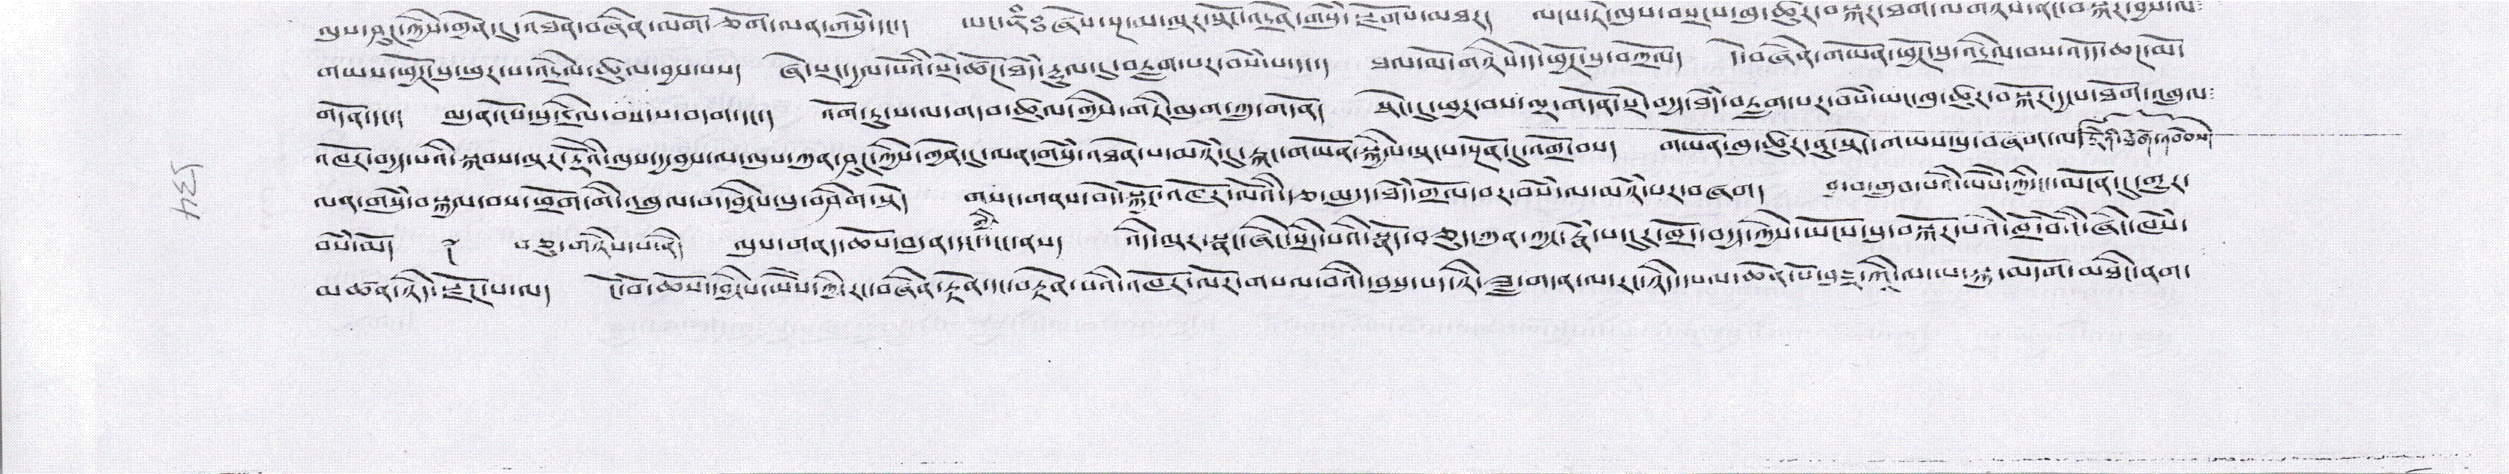ལུས་ཤུགས་ཀྱིས་གྱེན་དུ་འཐེན་བཞིན་མགོ་ཅོག་ལན་གསུམ་དང་། ཡང་ཧཾཿཞེས་སྔ་མ་ལྟར་སྟོང་འདྲེན་ལན་གསུམ་རྫོགས་མཐར། ལངས་ཏེ་ལུས་བསྲངས་ཁུ་ཚུར་བསྐོར་ཐོག་ལག་གཉིས་ནང་བསྐོར་བྱས་ལ་
གཡས་ཕྱོགས་སུ་ཕུར་པ་འདྲིལ་ཚུལ་བྱས་པས། ཞེ་སྡང་རྒྱལ་པོའི་སྡེ་ཚོགས་ཐམས་ཅད་རྡུལ་དུ་བརླག་པར་བསམ་པ་དང་། ཐལ་མོ་གཉིས་དེ་ཕྱོགས་སུ་བཀྲོལ། དེ་བཞིན་གཡོན་ཕྱོགས་སུ་འདྲིལ་བས་འདོད་ཆགས་མོ་
གདོན་དང་། མདུན་ངོས་སུ་འདྲིལ་བས་ས་བདག་དང་། འོག་ཏུ་ས་ལ་གདབ་ཚུལ་གྱིས་གཏི་མུག་ཀླུ་གདོན། སྟེང་དུ་ཕྱར་བས་ལྷ་གདོན་སྡེ་བརྒྱད་ཐམས་ཅད་བརླག་པར་བསམ་ཡང་ཁུ་ཚུར་བསྐོར་རྒྱངས་ཐོག་འཁྲུལ་
འཁོར་བརྒྱད་པའི་སྐབས་ལྟར་རྡོ་རྗེའི་ལུས་རྒྱ་བྱས་ལ་ལུས་ཀུན་ཤུགས་ཀྱིས་གྱེན་དུ་ལན་གསུམ་འཐེན་པ་མཉམ་དུ་རྐང་གཡོན་སྐྱིལ་སྟངས་སྔོན་དུ་འགྲོ་བས། གཡོན་ཁུ་ཚུར་ནུ་སྟེང་དུ་བཞག་ལ་༼རྡོ་རྗེ་ཐོག་འབེབས༽
ལན་གསུམ་བསྐྱལ་བས་ཕྲག་དོག་གི་འཁྲུལ་པ་དབྱིངས་སུ་བཤིགས་ཏེ་གསང་གནས་བདེ་སྐྱོང་འཁོར་ལོའི་རྩ་མདུད་ཐམས་ཅད་གྲོལ་བར་བསམ་ལ་མཉམ་པར་བཞག བྱ་བ་གྲུབ་པའི་ཡེ་ཤེས་ཀྱི་ངང་མངོན་དུ་གྱུར་པར་
བསམ་མོ།། ༧ བཅུ་གཉིས་པ་ནི། ལུས་གནད་ཆོས་བདུན་གྱི་ངང་ནས། འདི་ལྟར་སྣང་ཞིང་སྲིད་པའི་སྣོད་བཅུད་ཀུན་ཀྱང་རྣམ་པ་དུར་ཁྲོད་བརྒྱད་ཀྱིས་ཡོངས་སུ་བསྐོར་བའི་ཁྲོ་བོའི་ཞིང་ཁམས་
མཚན་ཉིད་རྫོགས་པ་ལ། ངོ་བོ་ཆོས་དབྱིངས་ཡེ་ཤེས་ཀྱི་རང་བཞིན་རྟེན་དང་བརྟེན་པའི་འཁོར་ལོར་གསལ་བའི་དབུས་སུ་པད་ཉི་ཟླ་གདན་ལ་རང་ཉིད་དཔལ་ཆེན་པོ་བཛྲ་ཀཱི་ལ་ཡ་སྐུ་མདོག་མཐིང་ནག་